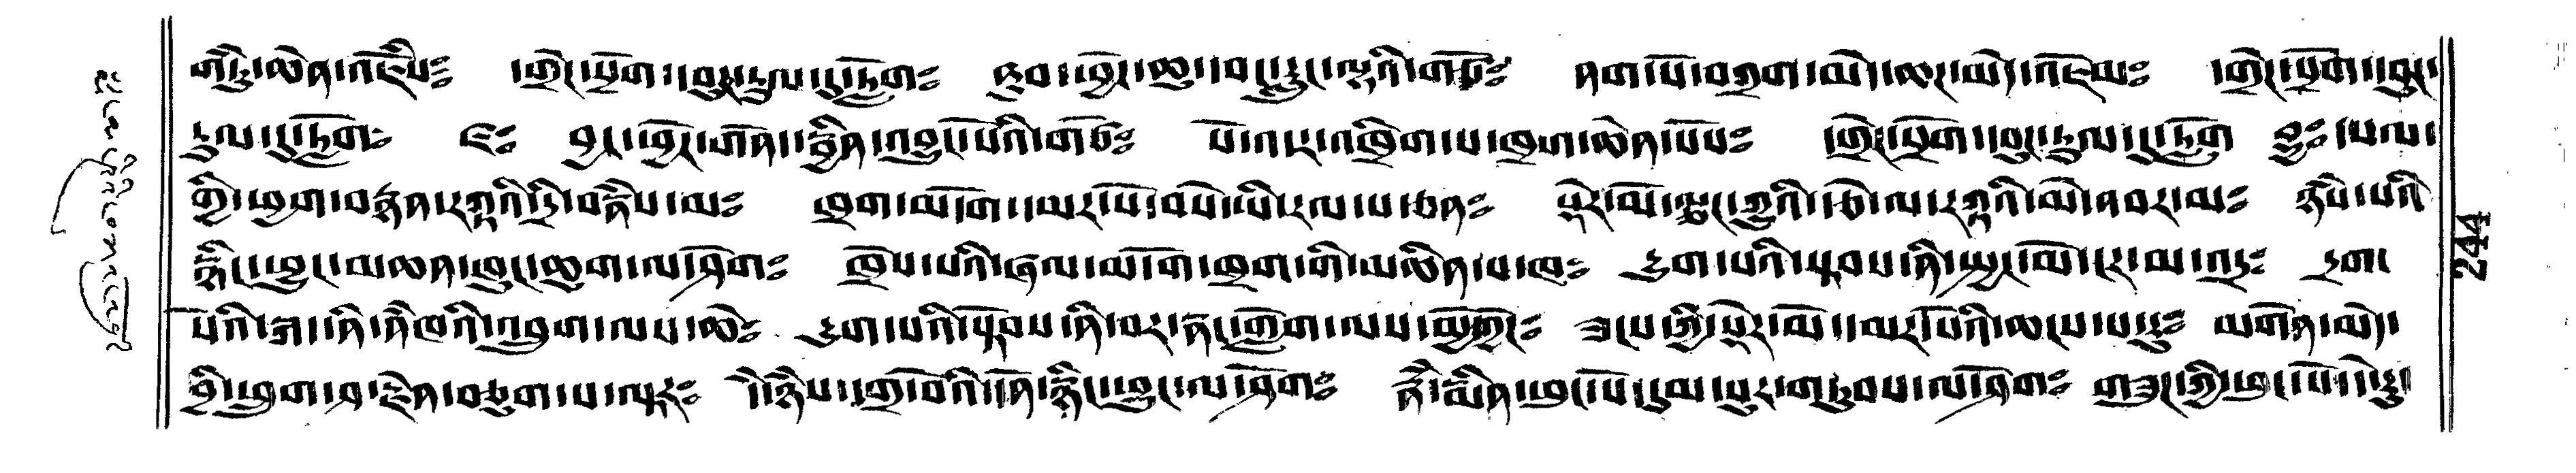གཏུམ་ཆེན་འཇོམསཿ དགྲ་བགེགས་སྲོག་དབུགས་རྡུལ་དུ་རློགསཿ ནུབ་ཕྱོགས་ཆུ་དབང་རླུང་ལྷའི་གཙོཿ ནག་པོ་བཀྲག་མེད་ཆགས་མེད་འཇོམསཿ དགྲ་བགེགས་སྲོག་དབུགས་
རྡུལ་དུ་རློགསཿ ཛཿ བྱང་ཕྱོགས་གནོད་སྦྱིན་འབྱུང་པོའི་གཙོཿ སོ་འདར་ཁྲིག་པ་ཁྲག་ཆེན་པོསཿ དགྲ་བགེགས་སྲོག་དབུགས་རྡུལ་དུ་རློགསཿ བྷྱཿ དཔལ་
གྱི་ཕྱག་བརྙན་རཀྟའི་དྲི་བསྣམས་མཿ ཁྲག་མདོག་དམར་པོ་བསེ་ཡི་རལ་པ་ཅནཿ སྡེར་མོ་ལྕགས་ཀྱུའི་རྩེ་ལ་རཀྟའི་མེ་འབར་མཿ ཉམས་པའི་
སྙིང་ཕྱུང་མཆན་ཁུང་ཆུག་ལ་ཤོགཿ ཁྲོས་པའི་ཞལ་མདོག་ཁྲག་གི་མཆིན་པ་ཁཿརྒྱུག་པའི་སྟབས་ནི་སྤྱང་མོ་ངར་མ་འདྲཿ དྲག་
པོའི་སྐད་ནི་ནམ་མཁའི་འབྲུག་ལས་ཆེཿ རྒྱུག་པའི་སྟོབས་ནི་བར་སྣང་གློག་ལས་མགྱོགསཿ ཟངས་ཀྱི་སྡེར་མོ་དམར་པོའི་ཆངས་པ་རུཿ མགོན་མེད་
བྱི་ཕྲུག་ཤ་རྗེན་བཅུག་པ་ལྟརཿ དམ་ཉམས་དགྲ་བོའི་དོན་སྙིང་ཕྱུངས་ལ་ཤོགཿ རྣམ་སྨིན་ཕུང་པོ་དུམ་བུར་གཏུབས་ལ་ཤོགཿ གཟུགས་ཀྱི་ཕུང་པོ་དེ་རུ་